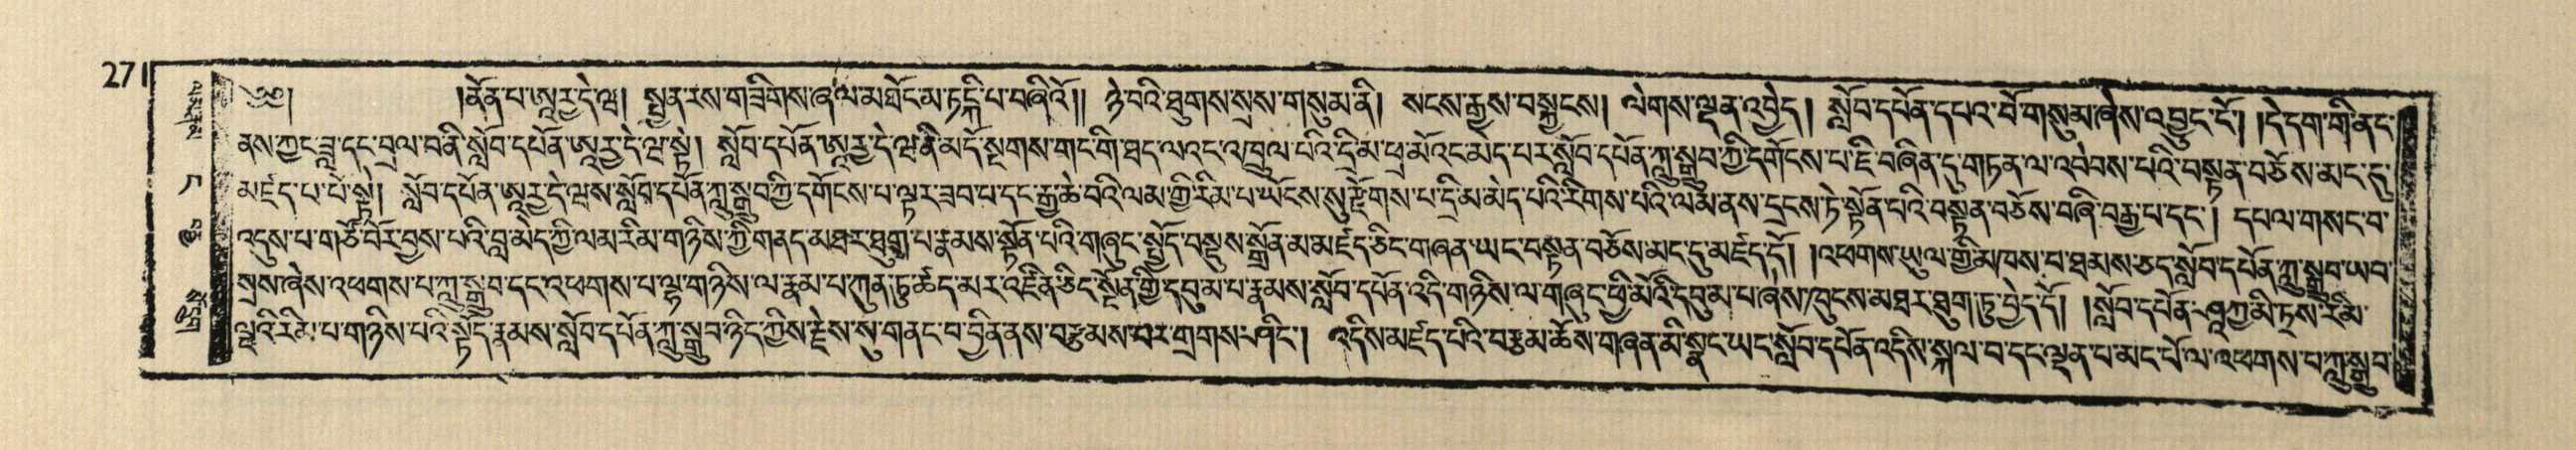༄༅། །ནོན་པ་ཨཱརྱ་དེ་ཝ། སྤྱན་རས་གཟིགས་ཞལ་མཐོང་མ་ཏངྐི་པ་བཞིའོ།། ཉེ་བའི་ཐུགས་སྲས་གསུམ་ནི། སངས་རྒྱས་བསྐྱངས། ལེགས་ལྡན་འབྱེད། སློབ་དཔོན་དཔའ་བོ་གསུམ་ཞེས་འབྱུང་ངོ། །དེ་དག་གི་ནང་
ནས་ཀྱང་ཟླ་དང་བྲལ་བ་ནི་སློབ་དཔོན་ཨཱརྱ་དེ་ཝ་སྟེ། སློབ་དཔོན་ཨཱརྱ་དེ་ཝ་ནི་མདོ་སྔགས་གང་གི་ཐད་ལའང་འཁྲུལ་པའི་དྲི་མ་ཕྲ་མོའང་མེད་པར་སློབ་དཔོན་ཀླུ་སྒྲུབ་ཀྱི་དགོངས་པ་ཇི་བཞིན་དུ་གཏན་ལ་འབེབས་པའི་བསྟན་བཅོས་མང་དུ་
མཛད་པ་པོ་སྟེ། སློབ་དཔོན་ཨཱརྱ་དེ་ཝས་སློབ་དཔོན་ཀླུ་སྒྲུབ་ཀྱི་དགོངས་པ་ལྟར་ཟབ་པ་དང་རྒྱ་ཆེ་བའི་ལམ་གྱི་རིམ་པ་ཡོངས་སུ་རྫོགས་པ་དྲི་མ་མེད་པའི་རིགས་པའི་ལམ་ནས་དྲངས་ཏེ་སྟོན་པའི་བསྟན་བཅོས་བཞི་བརྒྱ་པ་དང་། དཔལ་གསང་བ་
འདུས་པ་གཙོ་བོར་བྱས་པའི་བླ་མེད་ཀྱི་ལམ་རིམ་གཉིས་ཀྱི་གནད་མཐར་ཐུག་པ་རྣམས་སྟོན་པའི་གཞུང་སྤྱོད་བསྡུས་སྒྲོན་མཛད་ཅིང་གཞན་ཡང་བསྟན་བཅོས་མང་དུ་མཛད་དོ། །འཕགས་ཡུལ་གྱི་མཁས་པ་ཐམས་ཅད་སློབ་དཔོན་ཀླུ་སྒྲུབ་ཡབ་
སྲས་ཞེས་འཕགས་པ་ཀླུ་སྒྲུབ་དང་འཕགས་པ་ལྷ་གཉིས་ལ་རྣམ་པ་ཀུན་ཏུ་ཚད་མར་འཛིན་ཅིང་སྔོན་གྱི་དབུ་མ་པ་རྣམས་སློབ་དཔོན་འདི་གཉིས་ལ་གཞུང་ཕྱི་མོའི་དབུ་མ་པ་ཞེས་ཁུངས་མཐར་ཐུག་ཏུ་བྱེད་དོ། །སློབ་དཔོན་ཤཱཀྱ་མི་ཏྲས་རིམ་
ལྔའི་རིམ་པ་གཉིས་པའི་སྟོད་རྣམས་སློབ་དཔོན་ཀླུ་སྒྲུབ་ཉིད་ཀྱིས་རྗེས་སུ་གནང་བ་བྱིན་ནས་བརྩམས་བར་གྲགས་ཤིང་། འདིས་མཛད་པའི་བརྩམ་ཆོས་གཞན་མི་སྣང་ཡང་སློབ་དཔོན་འདིས་སྐལ་བ་དང་ལྡན་པ་མང་པོ་ལ་འཕགས་པ་ཀླུ་སྒྲུབ་